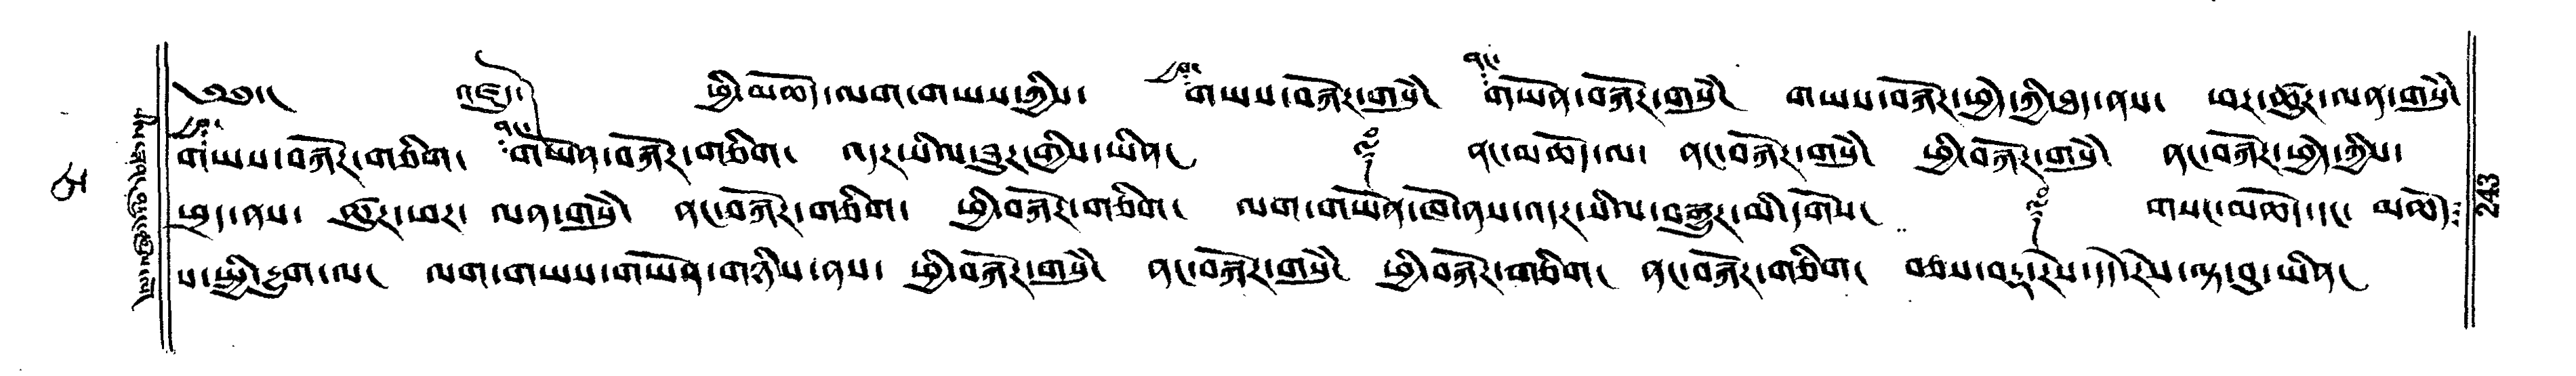༈ འཛུད། ཕྱི་མཆོད་ལག་གཡས་ཀྱིས། གཡས་བསྐོར་གསུམ། གཡོན་བསྐོར་གསུམ། གཡས་བསྐོར་ཕྱེད་ཀྱི་ཐད་ནས། ཕར་ཚུར་ལན་གསུམ། 
ཡས་བསྐོར་གཅིག གཡོན་བསྐོར་གཅིག འདར་སིལ་ཟུར་གྱིས་ཡིན། ༈ ནང་མཆོད་ལ། ནང་བསྐོར་གསུམ། ཕྱི་བསྐོར་གསུམ། ནང་བསྐོར་ཕྱེད་ཀྱི་
ཕྲད་ནས། ཚུར་ཕར། ལན་གསུམ། ནང་བསྐོར་གཅིག ཕྱི་བསྐོར་གཅིག ལག་གཡོན་ཁོ་ནས་འདར་སིལ་སྒྱུར་མི་དགོས། ༈ གསང་མཆོད་དང་། མཆོད་
པ་སྤྱི་རྒྱུག་ལ། ལག་གཡས་གཡོན་གཉིས་ནས། ཕྱི་བསྐོར་གསུམ། ནང་བསྐོར་གསུམ། ཕྱི་བསྐོར་གཅིག ནང་བསྐོར་གཅིག བཅས་བརྡ་རེས་དེད་རེས་ལྟ་བུ་ཡིན།